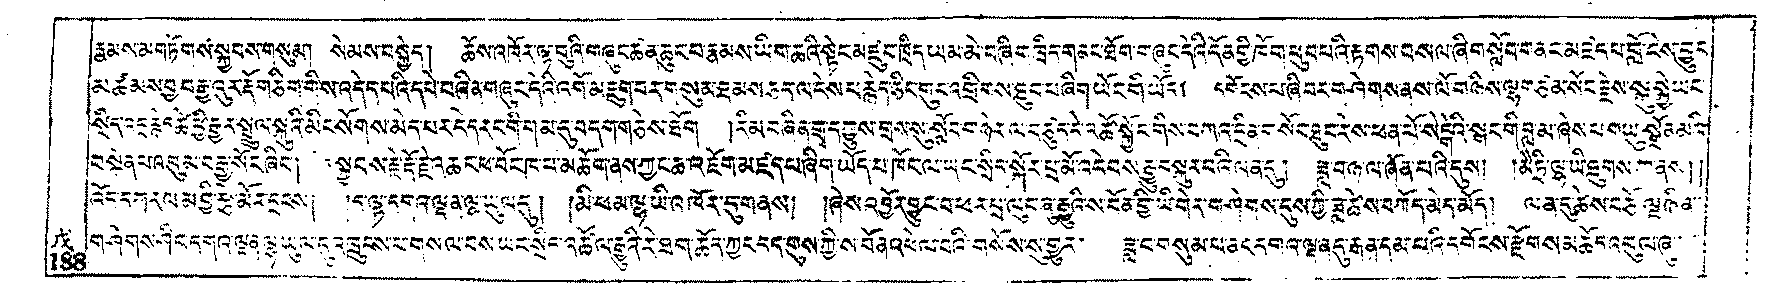རྣམས་མ་གཏོགས་སྐྱབས་གསུམ། སེམས་བསྐྱེད། ཆོས་འཁོར་ལྟ་བུའི་གཞུང་ཚན་ཆུང་བ་རྣམས་ཡིག་ཆའི་སྟེང་མཛུབ་ཁྲིད་ཡམ་མེ་བ་ཞིག་ཁྲིད་གནང་ཐོག་གཞུང་དེའི་དོན་གྱི་ཁོག་ཕུབ་པའི་རྟགས་བསལ་ཞིག་སློབ་གནང་མཛད་པ་བློ་ངེས་བྱུང་
མཚམས་བྱ་བརྒྱ་འུར་རྡོ་གཅིག་གིས་འདེད་པའི་དཔེ་བཞིན་གཞུང་དེའི་འགོ་མཇུག་བར་གསུམ་ཐམས་ཅད་ལ་ངེས་པ་རྙེད་ཅིང་གུང་འགྲིགས་ཐུབ་པ་ཞིག་ཡོང་གི་ཡོད། དགོངས་པ་ཞི་བར་གཤེགས་ནས་ལོ་གཉིས་ལྷག་ཙམ་སོང་རྗེས་སྐུ་སྐྱེ་ཡང་
སྲིད་འདྲ་རྙེད་ཚེ་ཕྱི་རྒྱར་སྤྲུལ་སྐུའི་མིང་སོགས་མེད་པར་ངེད་རང་གི་གམ་དུ་བདག་གཅེས་ཐོག །རིམ་བཞིན་གྲྭ་དཀྱུས་གྲས་སུ་སློབ་གཉེར་ལ་བཙུད་དེ་འཚོ་སྐྱོང་གིས་བཀའ་དྲིན་གསོབ་ཐུབ་རེས་ཕན་པོ་སེངྒེའི་སྒང་གི་བླ་མ་ཞེས་པ་གཡུ་སྒྲོན་མའི་
བསྙོན་པ་འབུམ་བརྒྱ་སོང་ཞིང་། ༧སྐྱབས་རྗེ་རྡོ་རྗེ་འཆང་ཕ་བོང་ཁ་པ་མཆོག་ནས་ཀྱང་ཆ་འཇོག་མཛད་པ་ཞིག་ཡོད་པ་ཁོང་ལ་ཡང་སྲིད་སྐོར་པྲ་མོ་འདེབས་རྒྱུ་བསྐུར་བའི་ལན་དུ། ཟླ་བ་ཉ་ལ་ཞོན་པའི་དུས། །མཻ་ཏྲི་ལྷ་ཡི་ཐུགས་ཀ་ནས། །
འོད་དཀར་ལམ་གྱི་རྩེ་མོར་དྲངས། །ད་ལྟ་དགའ་ལྡན་ལྷ་ཡུལ་དུ། །མི་ཕམ་ལྷ་ཡི་འཁོར་དུ་གནས། །ཞེས་འབྱོར་བྱུང་བ་ཕར་པྲ་ལུང་ཞུ་རྒྱུའི་ས་བོན་གྱི་ཡི་གེར་གཤེགས་དུས་ཀྱི་ཟླ་ཚེས་བཀོད་མེད་མོད། ལན་དུ་ཚེས་བཅོ་ལྔ་ཉིན་
གཤེགས་ཤིང་དགའ་ལྡན་ལྷ་ཡུལ་དུ་འཁྲུངས་པ་གསལ་བས་ཡང་སྲིད་འཚོལ་རྒྱུའི་རེ་ཐག་ཆོད་ཀྱང་དད་གུས་ཀྱི་ས་བོན་འཕེལ་བའི་གསོས་སུ་གྱུར། ཟླ་བ་གསུམ་པ་ནང་དགའ་ལྡན་དུ་རྒན་དམ་པའི་དགོངས་རྫོགས་མཆོད་འབུལ་ཞུ་